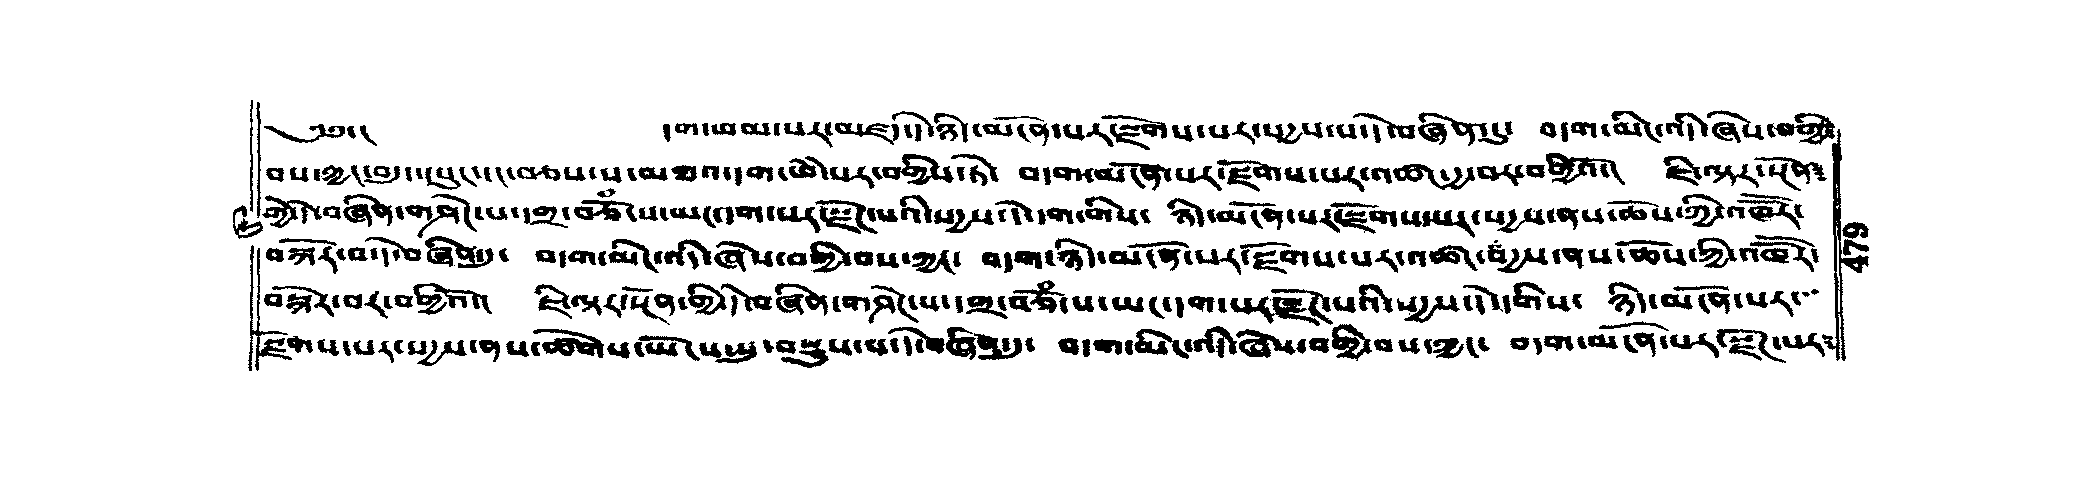དག་ཕམ་པར་མཛད་དེ་ཉིད་མངོན་པར་རྫོགས་པར་སངས་རྒྱས་པ་དེ་བཞིན་དུ། བདག་མིང་འདི་ཞེས་བགྱི་
བས་ཀྱང་བདུད་དཔུང་དང་བཅས་པ་མཐའ་དག་ཕམ་པར་བགྱིས་ཏེ། བདག་མངོན་པར་རྫོགས་པར་ཚངས་རྒྱ་བར་བགྱིའོ། ཇི་ལྟར་སྔོན་
གྱི་བདེ་བཞིན་གཤེགས་པ་དགྲ་བཅོམ་པ་ཡང་དག་པ་རྫོགས་པའི་སངས་རྒྱས་དེ་དག་གིས། ཉིད་མངོན་པར་རྫོགས་པར་སངས་རྒྱས་ནས་ཆོས་ཀྱི་འཁོར་ལོ་
བསྐོར་བ་དེ་བཞིན་དུ། བདག་མིང་འདི་ཞེས་བགྱི་བས་ཀྱང་། བདག་ཉིད་མངོན་པར་རྫོགས་པ་འཚང་བརྒྱས་ནས་ཆོས་ཀྱི་འཁོར་ལོ་
བསྐོར་བར་བགྱིའོ། ཇི་ལྟར་སྔོན་གྱི་བདེ་བཞིན་གཤེགས་པ་དགྲ་བཅོམ་པ་ཡང་དག་ཡང་དག་པར་རྫོགས་པར་སངས་རྒྱས་དེ་དག་གིས། ཉིད་མངོན་པར་
རྫོགས་པར་སངས་རྒྱས་ནས་ཚོགས་ཡོངས་སུ་བསྡུས་པ་དེ་བཞིན་དུ། བདག་མིང་འདི་ཞེས་བགྱི་བས་ཀྱང་། བདག་མངོན་པར་རྫོགས་པར་